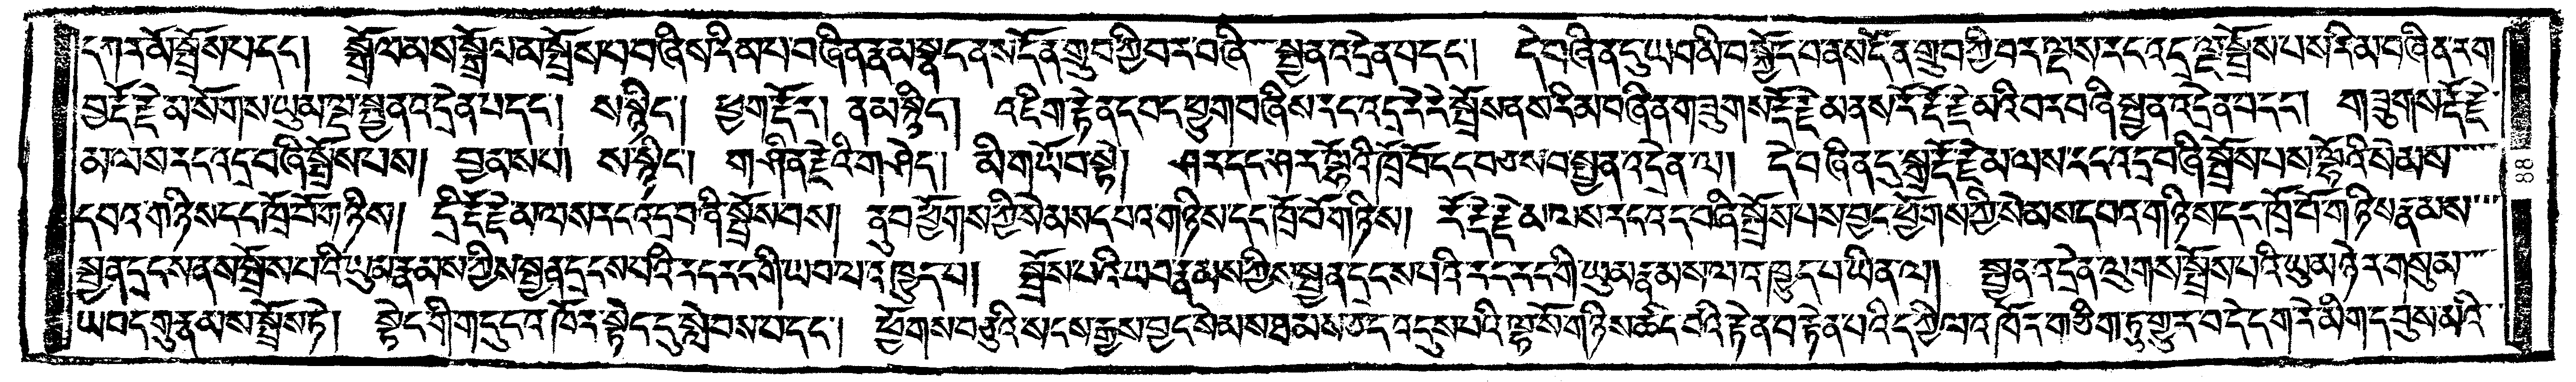དཀར་མོ་སྤྲོས་པ་དང་། སྒྲོལ་མས་སྒྲོལ་མ་སྤྲོས་པ་བཞིས་རིམ་པ་བཞིན་རྣམ་སྣང་ནས་དོན་གྲུབ་ཀྱི་བར་བཞི་སྤྱན་འདྲེན་པ་དང་། དེ་བཞིན་དུ་ཡབ་མི་བསྐྱོད་པ་ནས་དོན་གྲུབ་ཀྱི་བར་ལྔས་རང་འདྲ་ལྔ་སྤྲོས་པས་རིམ་བཞིན་རག་
བྱ་རྡོ་རྗེ་མ་སོགས་ཡུམ་ལྔ་སྤྱན་འདྲེན་པ་དང་། ས་སྙིང་། ཕྱག་རྡོར། ནམ་སྙིང་། འཇིག་རྟེན་དབང་ཕྱུག་བཞིས་རང་འདྲ་རེ་རེ་སྤྲོས་ནས་རིམ་བཞིན་གཟུགས་རྡོ་རྗེ་མ་ནས་རོ་རྡོ་རྗེ་མའི་བར་བཞི་སྤྱན་འདྲེན་པ་དང་། གཟུགས་རྡོ་རྗེ་
མ་ལས་རང་འདྲ་བཞི་སྤྲོས་པས། བྱམས་པ། ས་སྙིང་། གཤིན་རྗེའི་གཤེད། མི་གཡོ་བ་སྟེ། ཤར་དང་ཤར་ལྷོའི་ཁྲོ་བོ་དང་བཅས་པ་སྤྱན་འདྲེན་ལ། དེ་བཞིན་དུ་སྒྲ་རྡོ་རྗེ་མ་ལས་རང་འདྲ་བཞི་སྤྲོས་པས་ལྷོའི་སེམས་
དཔའ་གཉིས་དང་ཁྲོ་བོ་གཉིས། དྲི་རྡོ་རྗེ་མ་ལས་རང་འདྲ་བ་ནི་སྤྲོས་བས། ནུབ་ཕྱོགས་ཀྱི་སེམས་དཔའ་གཉིས་དང་ཁྲོ་བོ་གཉིས། རོ་རྡོ་རྗེ་མ་ལས་རང་འདྲ་བཞི་སྤྲོས་པས་བྱང་ཕྱོགས་ཀྱི་སེམས་དཔའ་གཉིས་དང་ཁྲོ་བོ་གཉིས་རྣམས་
སྤྱན་དྲངས་ནས་སྤྲོས་པའི་ཡུམ་རྣམས་ཀྱིས་སྤྱན་དྲངས་པའི་རང་རང་གི་ཡབ་ལ་འཁྱུད་པ། སྤྲོས་པའི་ཡབ་རྣམས་ཀྱིས་སྤྱན་དྲངས་པའི་རང་རང་གི་ཡུམ་རྣམས་ལ་འཁྱུད་པ་ཡིན་ལ། སྤྱན་འདྲེན་ལུགས་སྤྲོས་པའི་ཡུམ་ཉེར་གསུམ་
ཡབ་དགུ་རྣམས་སྤྲོས་ཏེ། སྟེང་གི་གདུང་འཁོར་སྟེང་དུ་སླེབས་པ་དང་། ཕྱོགས་བཅུའི་སངས་རྒྱས་བྱང་སེམས་ཐམས་ཅད་འདུས་པའི་ལྷ་སོ་གཉིས་ཚང་བའི་རྟེན་བརྟེན་པའི་དཀྱིལ་འཁོར་གཅིག་ཏུ་གྱུར་བ་དེ་དག་རེ་མིག་དབུས་མའི་